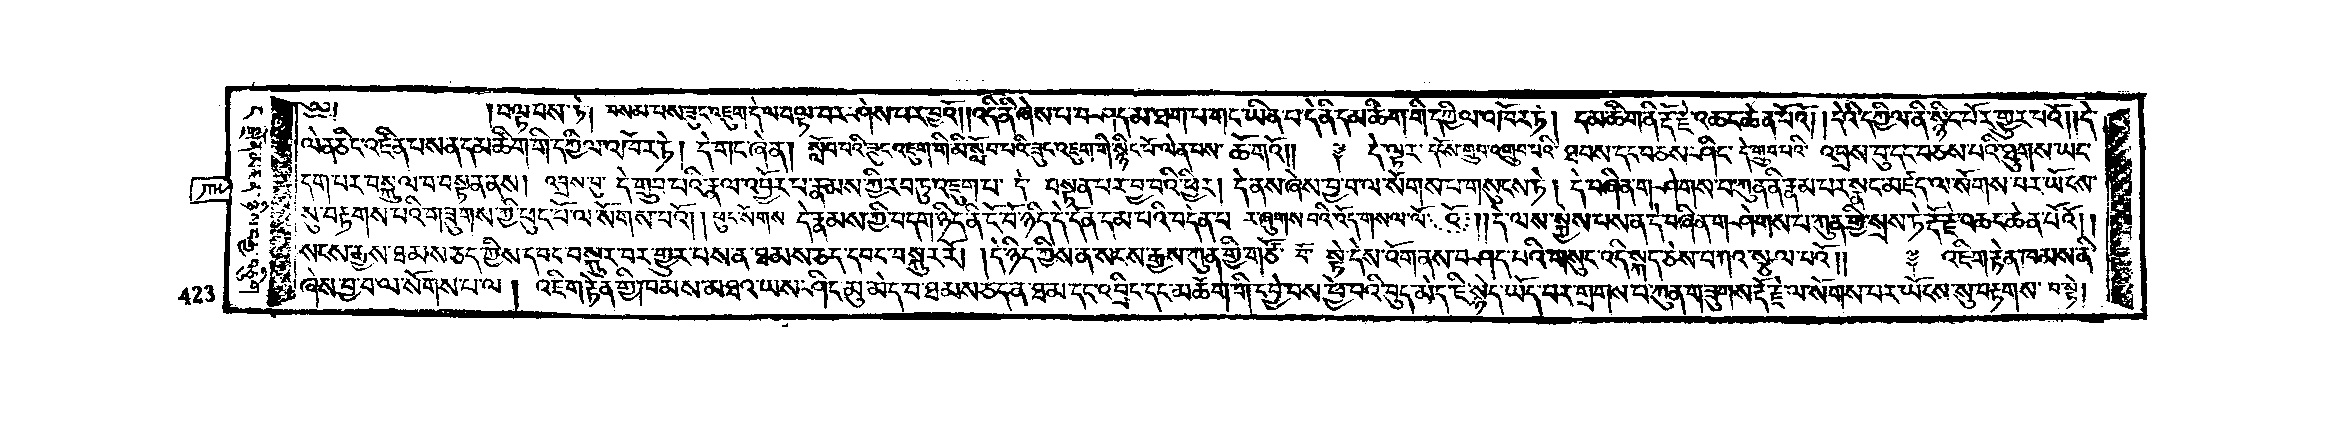༄༅། །བལྟ་བས་ཏེ། བསམ་པས་ཟུང་འཇུག་དེ་ལ་བལྟ་བར་ཤེས་པར་བྱའོ། །འདི་ནི་ཞེས་པ་བཤད་མ་ཐག་པ་གང་ཡིན་པ་དེ་ནི་དམ་ཚིག་གི་དཀྱིལ་འཁོར་ཏེ། དམ་ཚིག་ནི་རྡོ་རྗེ་འཆང་ཆེན་པོའོ། །དེའི་དཀྱིལ་ནི་སྙིང་པོར་གྱུར་པའོ། །དེ་
ལེན་ཅིང་འཛིན་པས་ན་དམ་ཚིག་གི་དཀྱིལ་འཁོར་ཏེ། དེ་གང་ཞེ་ན། སློབ་པའི་ཟུང་འཇུག་གི་མི་སློབ་པའི་ཟུང་འཇུག་གི་སྙིང་པོ་ལེན་པས་ཆོ་གའོ།། ༈ དེ་ལྟར་དངོས་གྲུབ་འགྲུབ་པའི་ཐབས་དང་བཅས་ཤིང་དེ་གྲུབ་པའི་འབྲས་བུ་དང་བཅས་པའི་ཐུགས་ཡང་
དག་པར་བསྐུལ་བ་བསྟན་ནས། འབྲས་བུ་དེ་གྲུབ་པའི་རྣལ་འབྱོར་པ་རྣམས་ཀྱི་རབ་ཏུ་འཇུག་པ་དེ་བསྟན་པར་བྱ་བའི་ཕྱིར། དེ་ནས་ཞེས་བྱ་བ་ལ་སོགས་པ་གསུངས་ཏེ། དེ་བཞིན་གཤེགས་པ་ཀུན་ནི་རྣམ་པར་སྣང་མཛད་ལ་སོགས་པར་ཡོངས་
སུ་བརྟགས་པའི་གཟུགས་ཀྱི་ཕུང་པོ་ལ་སོགས་པའོ། ། ཕུང་སོགས་དེ་རྣམས་ཀྱི་བདག་ཉིད་ནི་ངོ་བོ་ཉིད་དེ་དོན་དམ་པའི་བདེན་པར་ཞུགས་པའི་འོད་གསལ་ལོ་འོ། །དེ་ལས་སྐྱེས་པས་ན་དེ་བཞིན་གཤེགས་པ་ཀུན་གྱི་སྲས་ཏེ་རྡོ་རྗེ་འཆང་ཆེན་པོའོ། །
སངས་རྒྱས་ཐམས་ཅད་ཀྱིས་དབང་བསྐུར་བར་གྱུར་བས་ན་ཐམས་ཅད་དབང་བསྐུར་རོ། །དེ་ཉིད་ཀྱིས་ན་སངས་རྒྱས་གྱི་གཙོ་བོ་སྟེ་དེས་འོག་ནས་བཤད་པའི་གསུངས་འདི་སྐད་ཅེས་བཀའ་སྩལ་པའོ།། ༈ འཇིག་རྟེན་ཁམས་ནི་
ཞེས་བྱ་བ་ལ་སོགས་པ་ལ། འཇིག་རྟེན་གྱི་ཁམས་མཐའ་ཡས་ཤིང་མུ་མེད་པ་ཐམས་ཅད་ན་ཐ་མ་དང་འབྲིང་དང་མཆོག་གི་དབྱེ་བས་ཕྱེ་བའི་བུད་མེད་ཇི་སྙད་ཡོད་པར་གྲགས་པ་ཀུན་གཟུགས་རྡོ་རྗེ་ལ་སོགས་པར་ཡོངས་སུ་བརྟགས་བ་སྟེ།